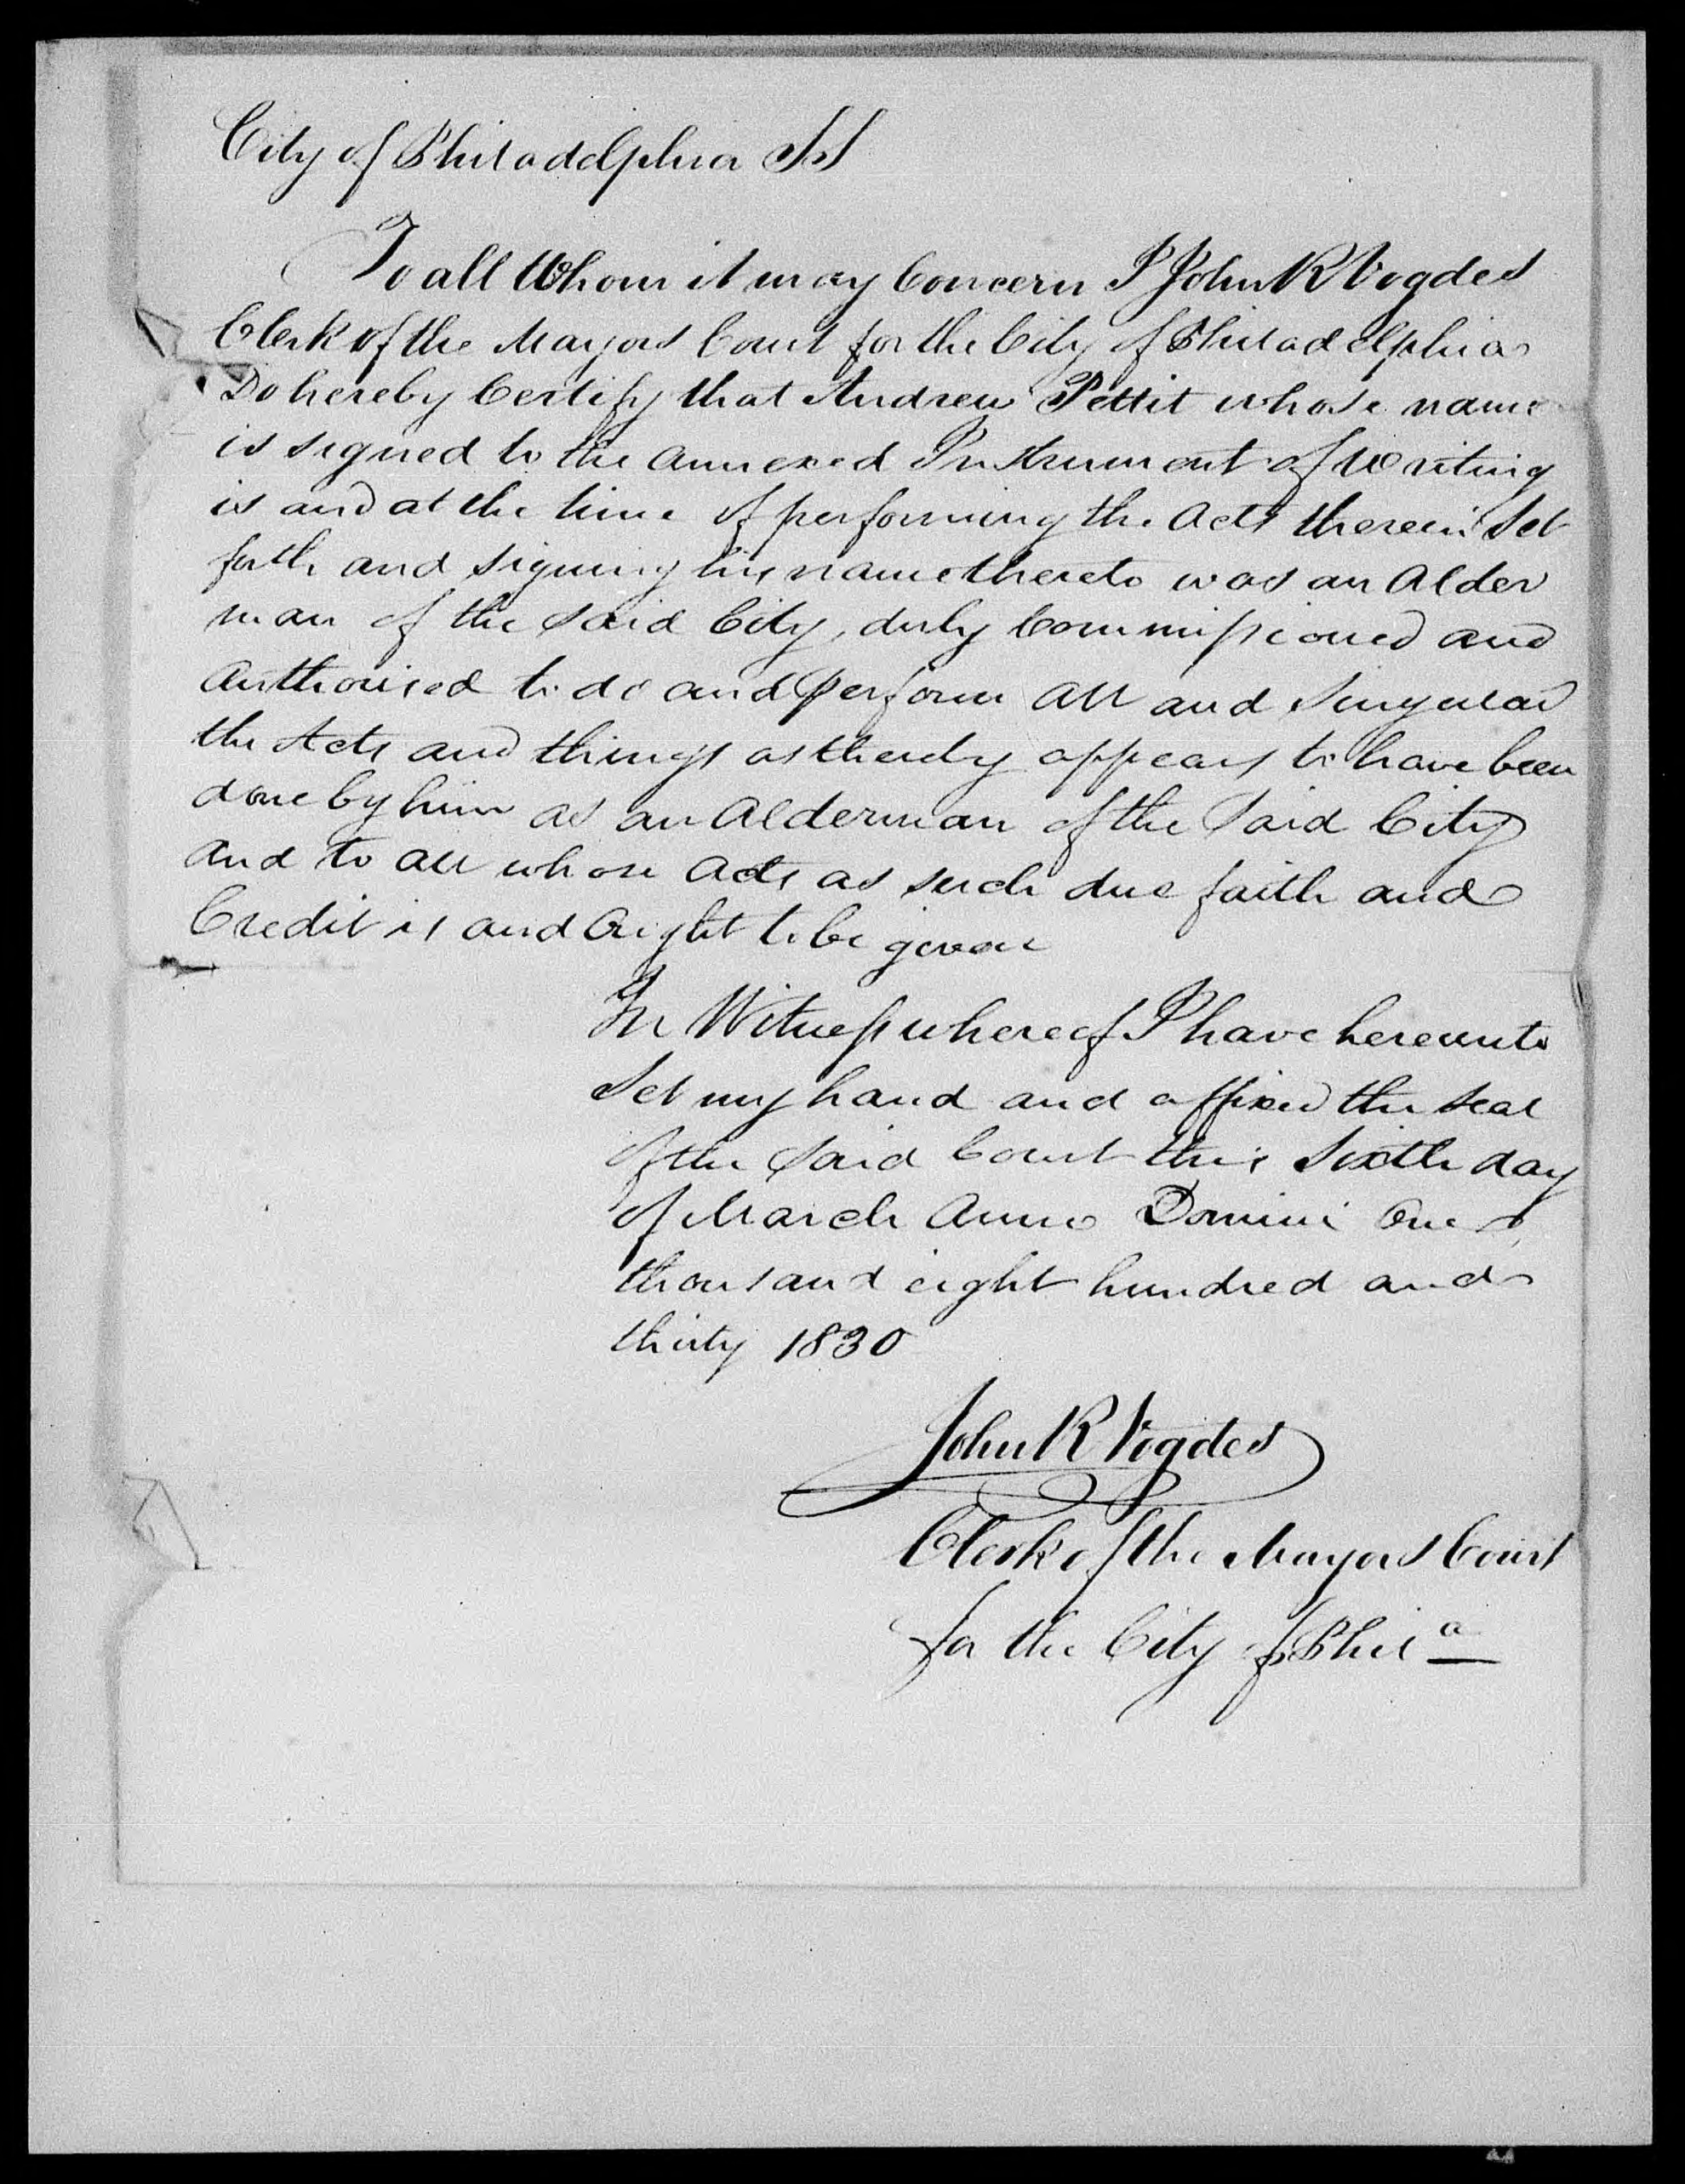City of Philadelphia SS
To all whom it may Concern I John R Vogdes Clerk of the Mayors Court for the City of Philadelphia Do hereby certify that Andrew Pettit whose name is signed to the annexed Instrument of writing is and at the time of performing the act therein set forth, and signing his name thereto was an Alderman of the said City, duly commissioned and authorized to do and perform all and Singular the Acts and things as thereby appears to have been done by him as an Alderman of the said City and to all whose acts as such due faith and Credit is and right to be given
In Witness whereof I have hereunto Set my hand and affixed the seal of the said Court this Sixth day of March Anno Domini One thousand eight hundred and thirty 1830
John R Vogdes
Clerk of the Mayors Court for the City of Phila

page: 26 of 28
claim: survivor's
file: S. 5,048, for Henry Malcolm